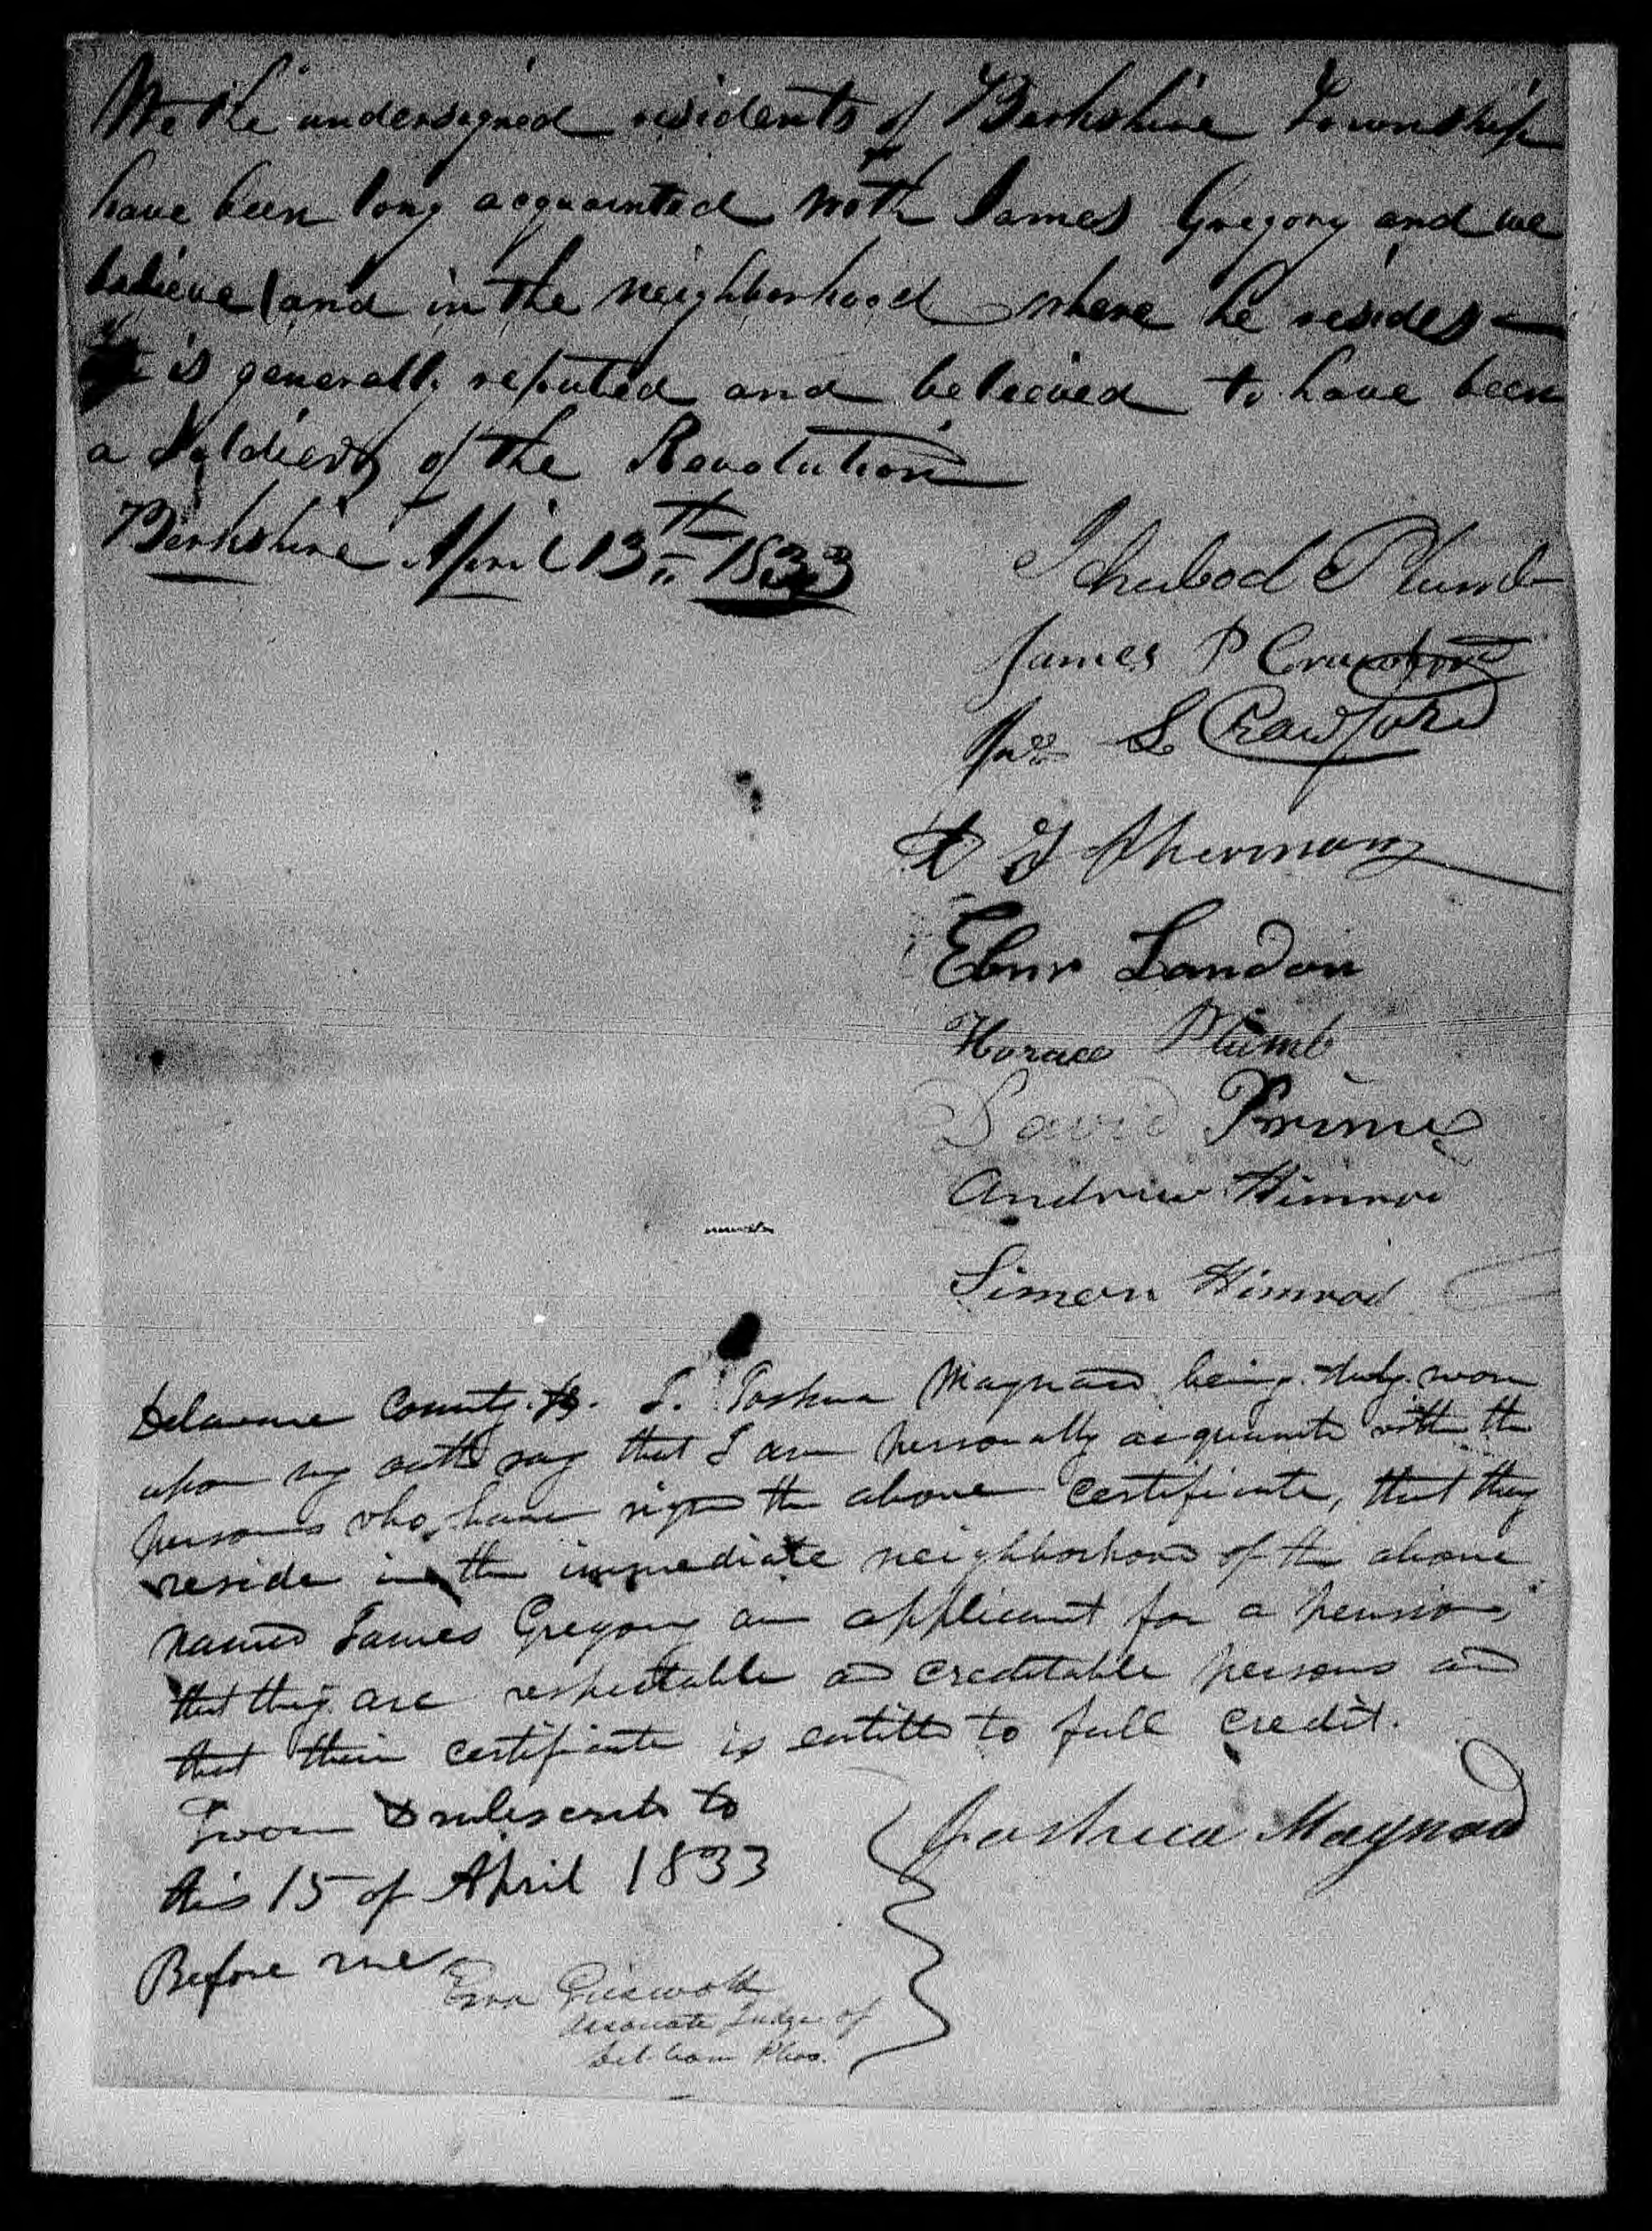We the undersigned residents of Berkshire Township have been long acquainted with James Gregory and we believe and in the neighborhood where he resides, is generally reputed and believed to have been a soldier of the Revolution. Berkshire April 13th 1833

Ichabod Plumb
James P Crawford
Jn S Crawford
D T Sherman
Ebnr London
Horace Plumb
David Prince
Andrew Himrod
Simon Himrod

Delaware County ss. I Joshua Maynard being duly sworn who by oath say that I am personally acquainted with the persons who have signed the above certificate, that they reside in the immediate neighborhood of the above names James Gregory an applicant for a pension, that they are respectable and creditable persons and that their certificate is entitled to full credit.

Joshua Maynard

Sworn & subscribed to this 15 of April 1833. Before me

Ezra Griswold
associate Judge of Crt Com Pleas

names: Joshua Maynard, James P Crawford, Joshua Maynard, D T Sherman, Jas L Crawford, Ezra Griswold, Simon Himrod, Ichabod Plumb, David Prince, James Gregory, Horace Plumb, Andrew Himrod, Ebnr London, James Gregory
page: 12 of 27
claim: survivor's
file: S. 17445, James Gregory, Conn.